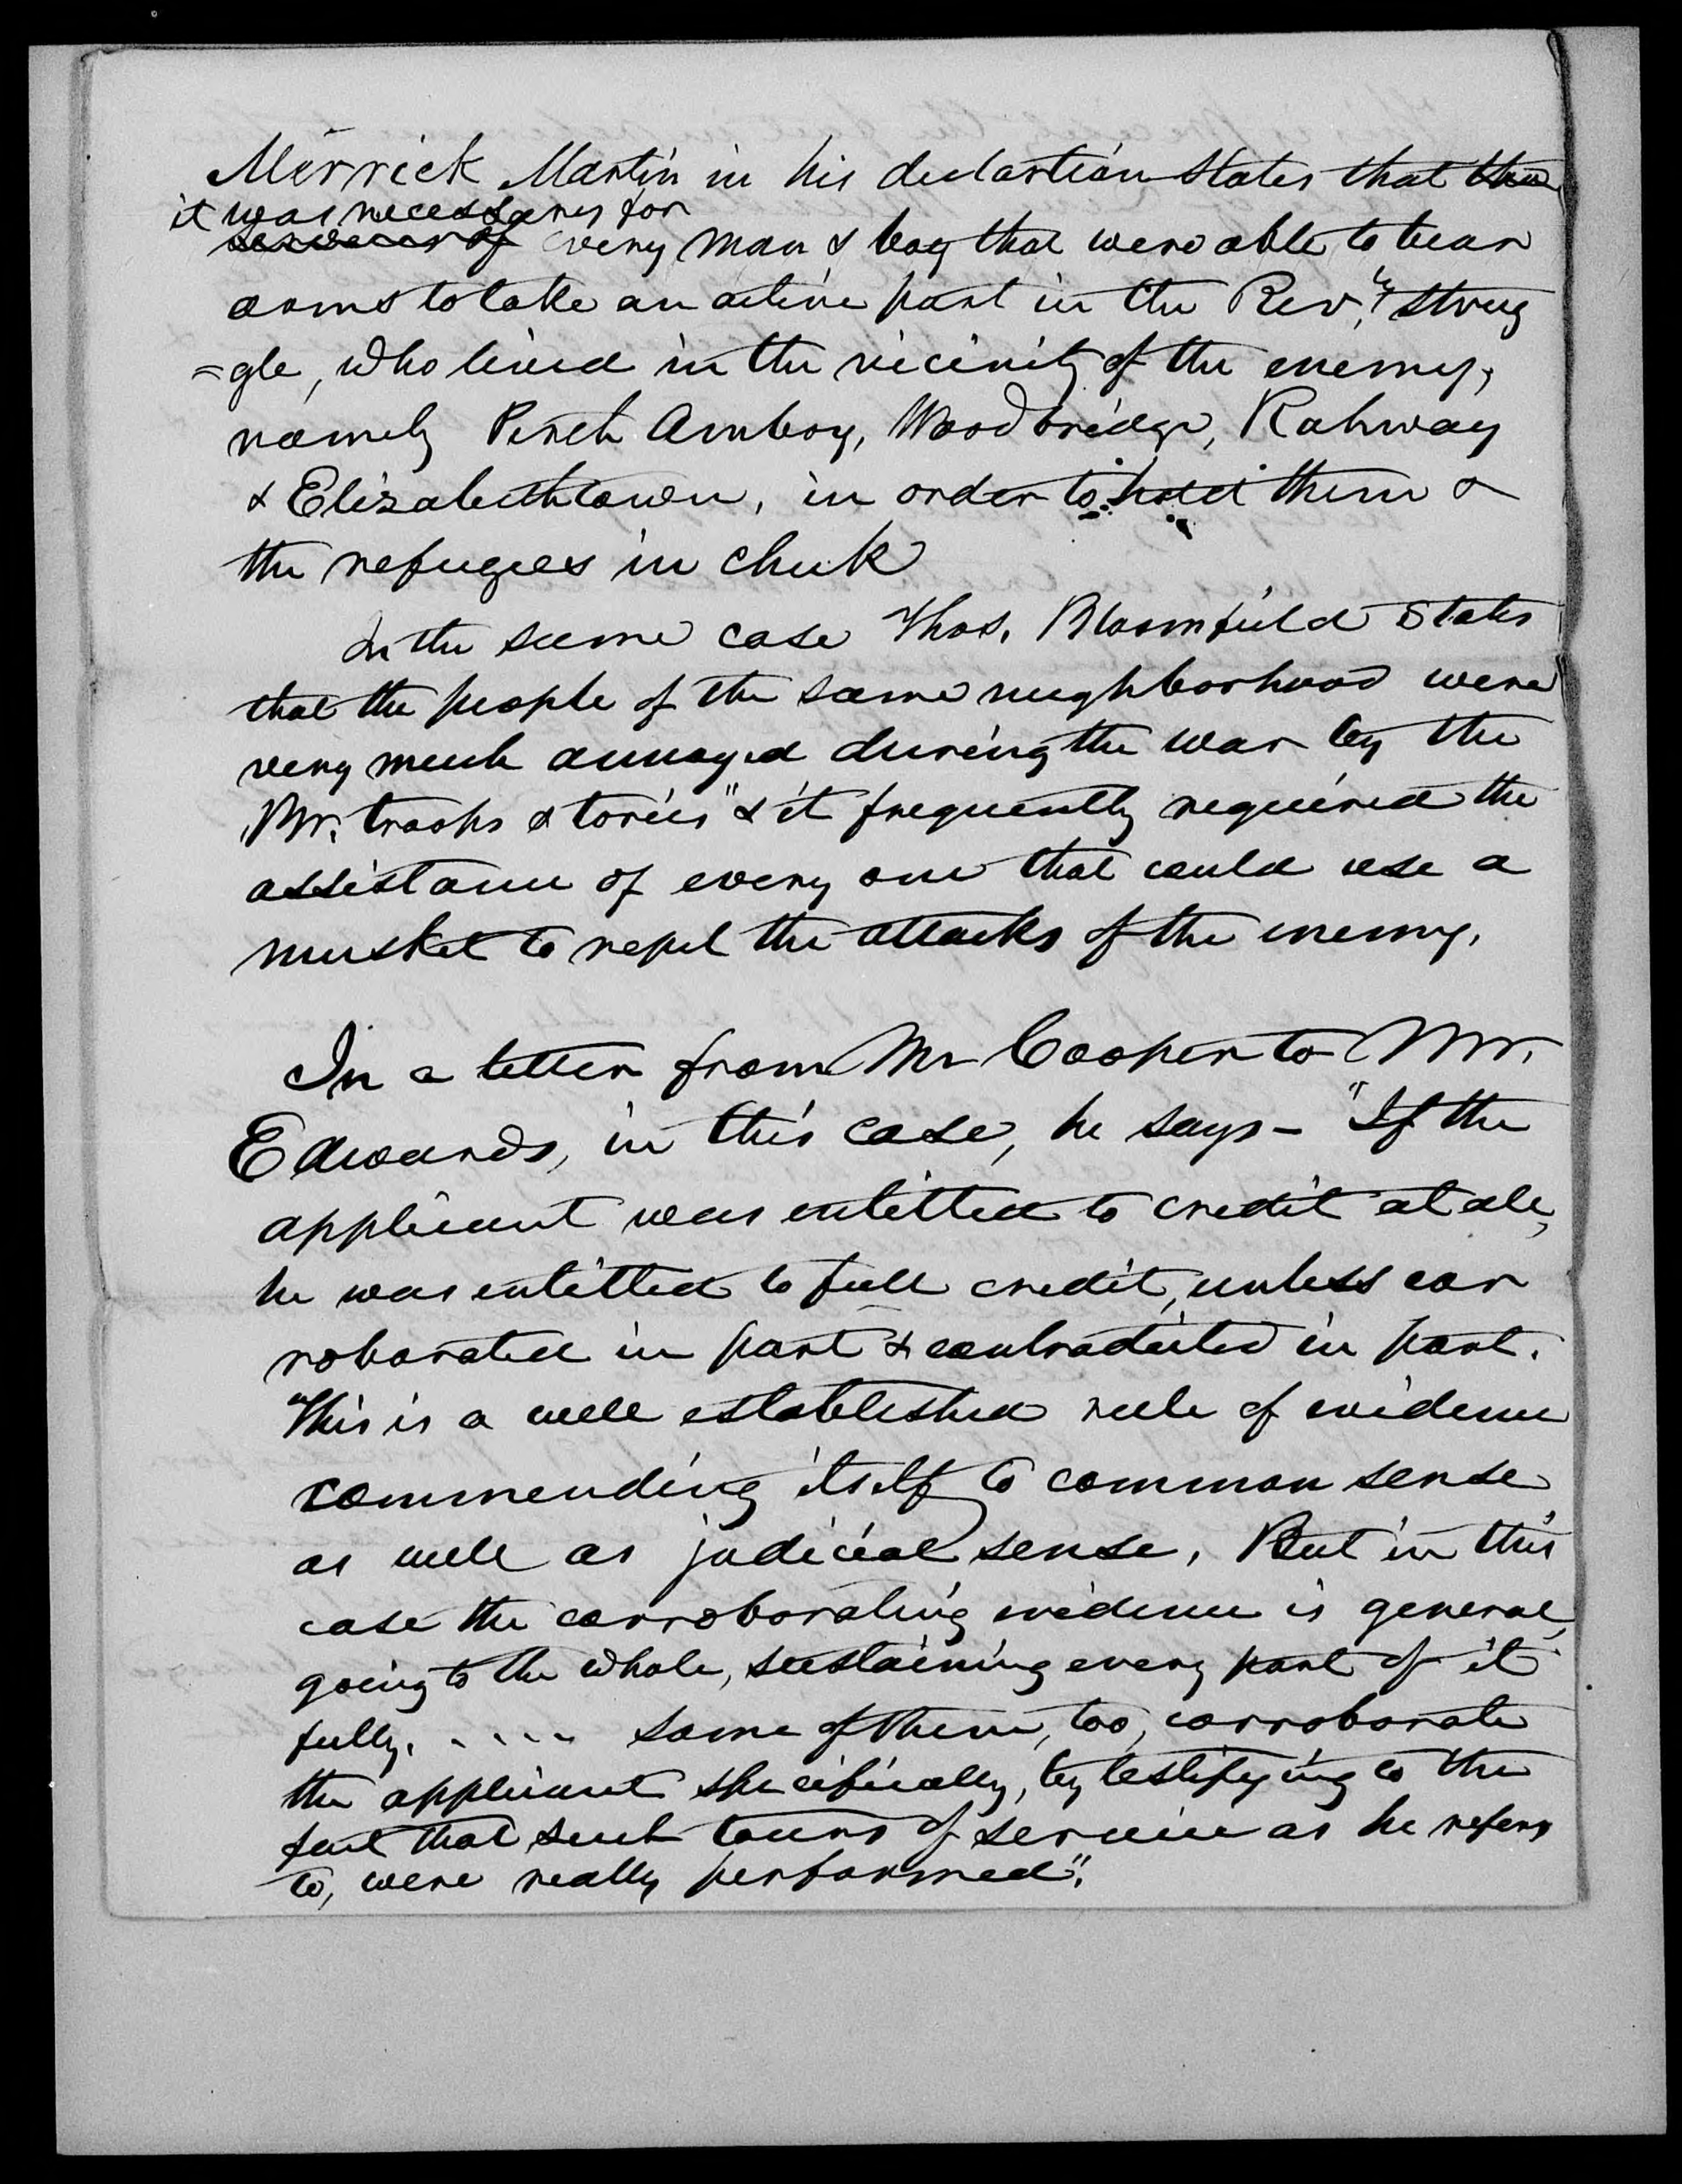Merrick Martin, in his declaration states that this [crossed out: service of] it was necessary for every man & boy that were able to bear arms to take an active part in the Rev(olutionary) struggle, who lived in the vicinity of the enemy, namely Perth Amboy, Woodbridge, Rahway & Elizabeth Town, in order to hold them & the refugees in check.

In the same case, Thos. Bloomfield states that the people of the same neighborhood were being much annoyed during the war by the British troops & Tories & it frequently required the assistance of everyone that could use a musket to repel the attacks of the enemy.

In a letter from Mr. Cooper to Mr. Edwards in this case, he says, "If the applicant was entitled to credit at all, he was entitled to full credit, unless corroborated in part & contradicted in part. This is a well established rule of evidence commending itself to common sense as well as judicial sense. But in this case the corroborating evidence is general, going to the whole, sustaining every part of it fully... Same of them, too, corroborate the applicant specifically by testifying to the part that such tours of service as he refers to, were really performed,"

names: Merrick Martin; Wm Edwards; [BLANK] Cooper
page: 73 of 95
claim: survivor's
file: S 2889, for Levi Mundy, New Jersey